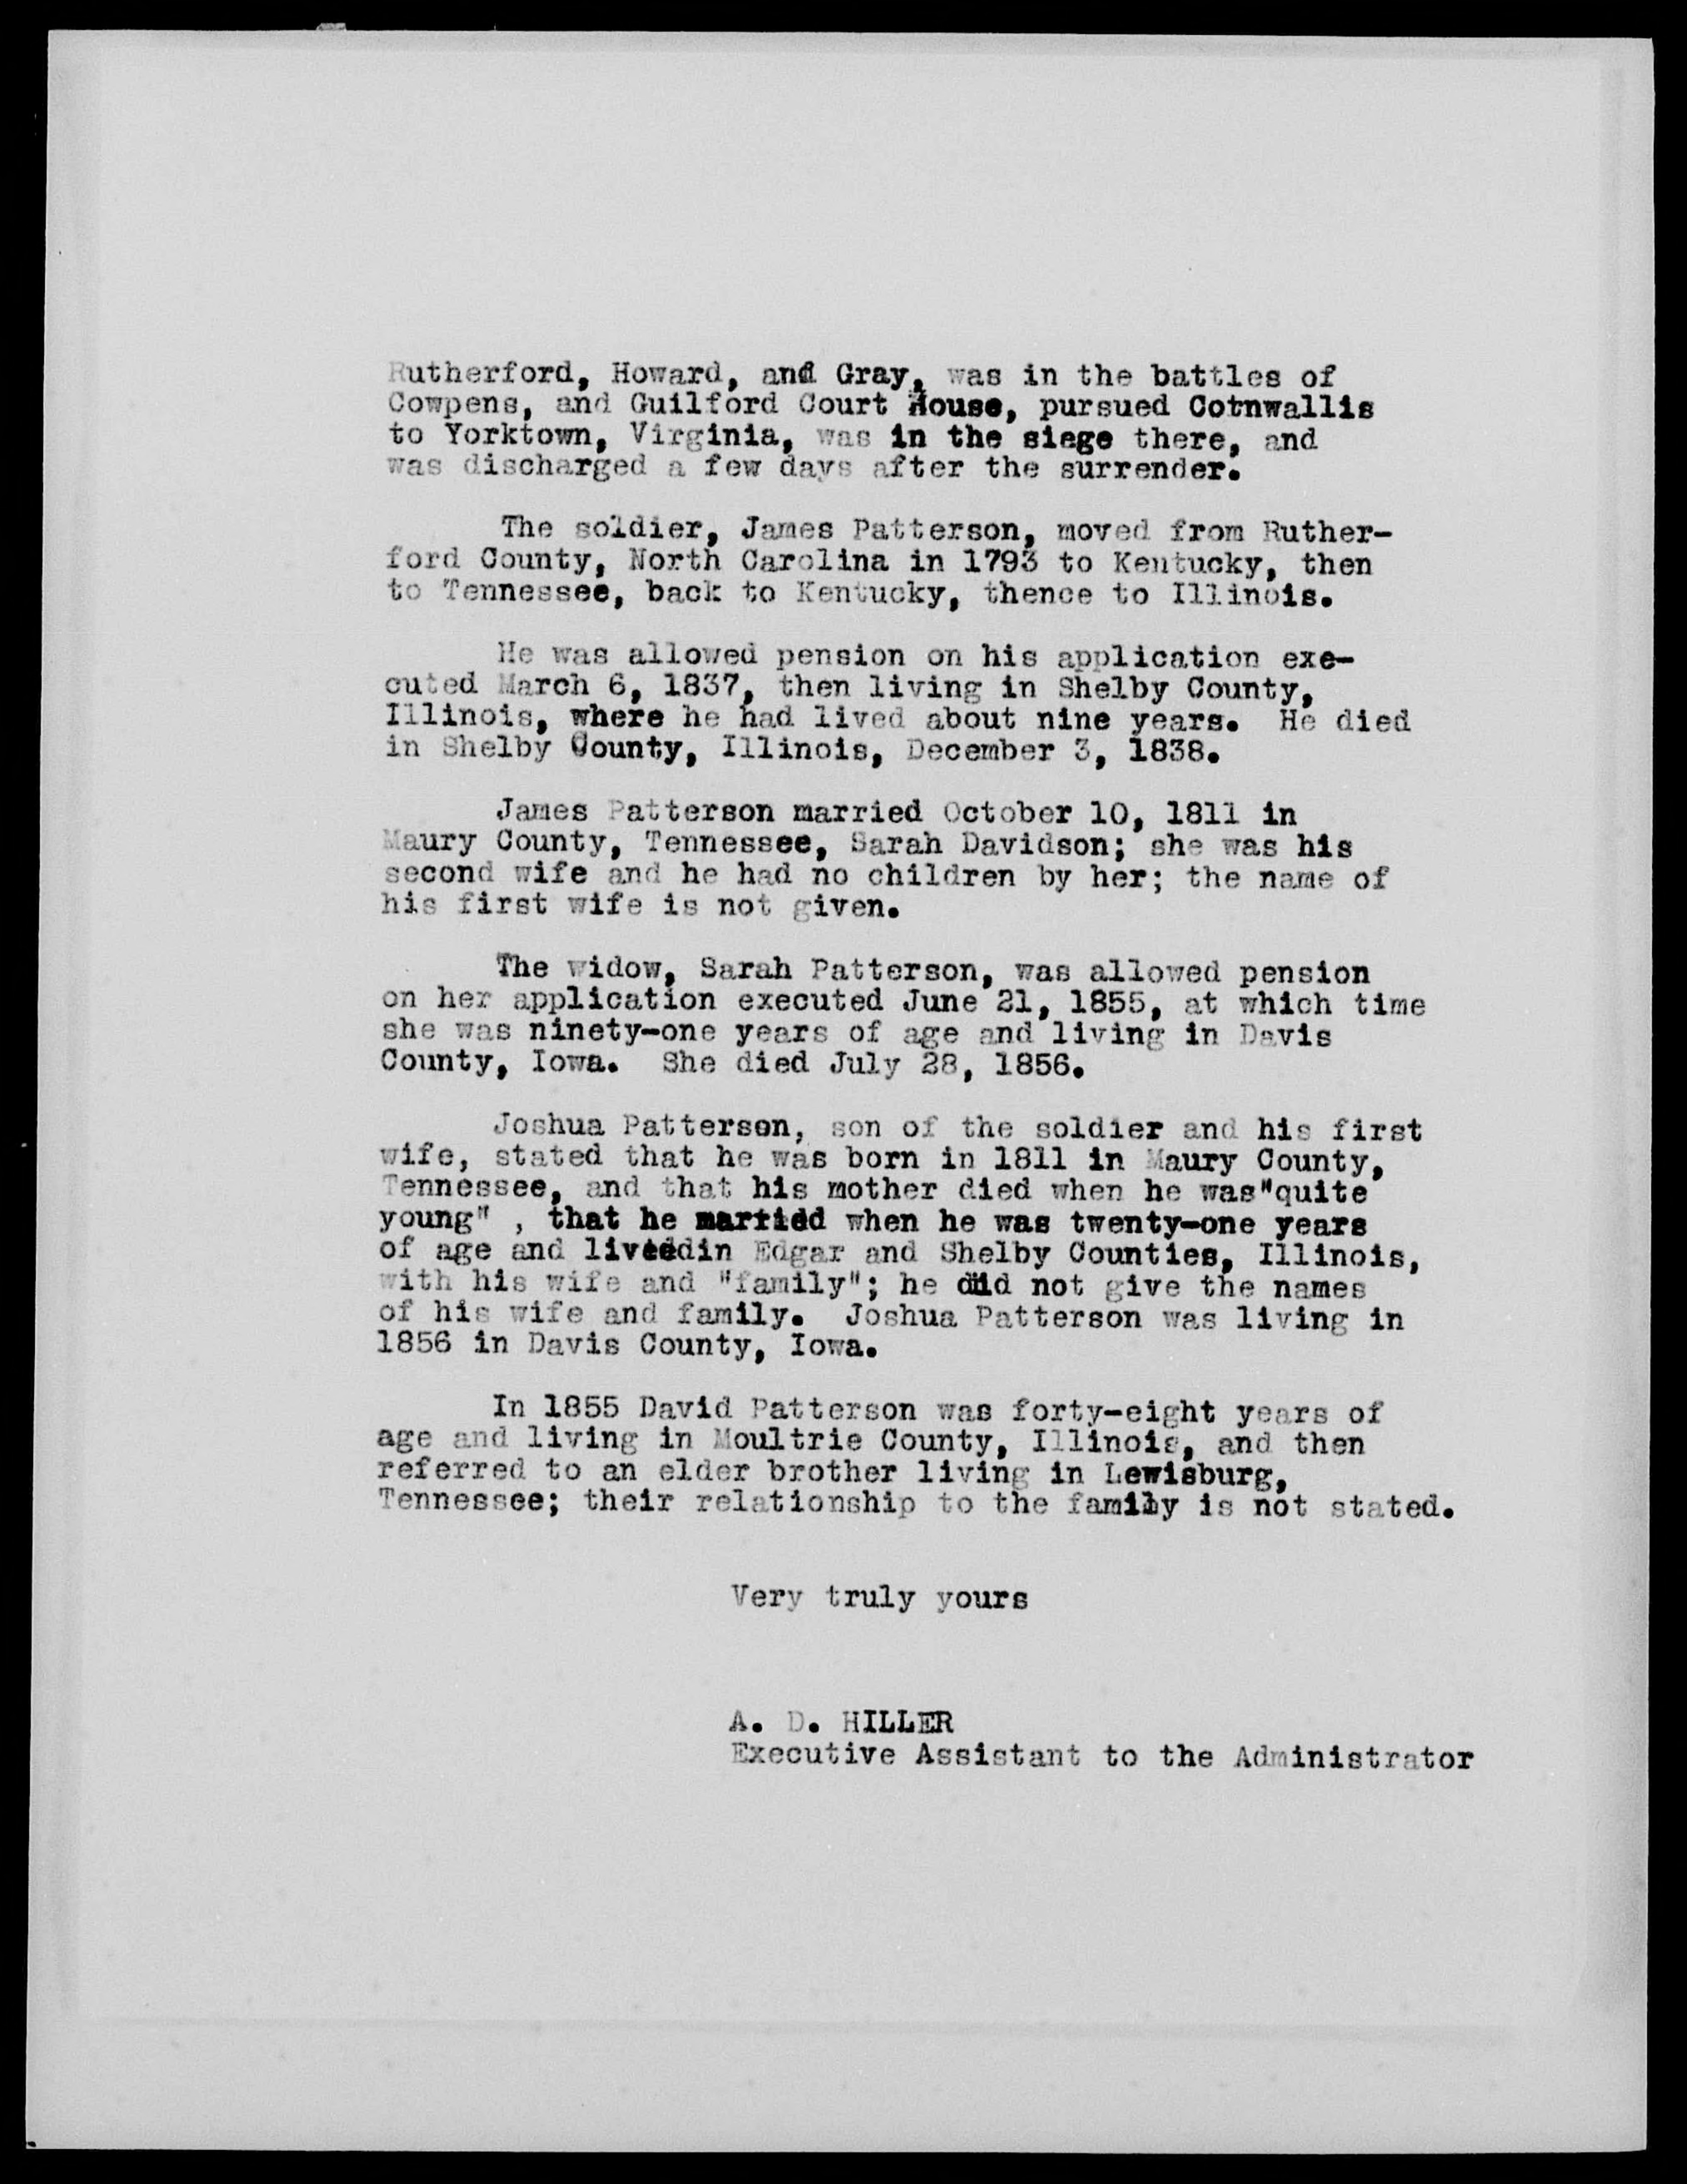Rutherford, Howard, and Gray, was in the battles of Cowpens, and Guilford Court House, pursued Cornwallis to Yorktown, Virginia, was in the siege there, and was discharged a few days after the surrender. 

The soldier, James Patterson, moved from Rutherford County, North Carolina in 1793 to Kentucky, then to Tennessee, back to Kentucky, thence to Illinois. 

He was allowed pension on his application executed March 6, 1837, then living in Shelby County, Illinois, where he had lived about nine years. He died in Shelby County, Illinois, December 3, 1838. 

James Patterson married October 10, 1811 in Maury County, Tennessee, Sarah Davidson; she was his second wife and he had no children by her; the name of his first wife is not given. 

The widow, Sarah Patterson, was allowed pension on her application executed June 21, 1855, at which time she was ninety-one years of age and living in Davis County, Iowa. She died July 28, 1856. 

Joshua Patterson, son of the soldier and his first wife, stated that he was born in 1811 in Maury County, Tennessee, and that his mother died when he was “quite young”, that he married when he was twenty-one years of age and lived in Edgar and Shelby Counties, Illinois, with his wife and family; he did not give the names of his wife and family. Joshua Patterson was living in 1856 in Davis County, Iowa. 

In 1855 David Patterson was forty-eight years of age and living in Moultrie County, Illinois, and then referred to an elder brother living in Lewisburg, Tennessee; their relationship to the family is not stated.

Very truly yours

A.D. HILLER 
Executive Assistant to the Administrator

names: James Patterson; A D Hiller; David Patterson; Joshua Patterson; Sarah Davidson; Sarah Patterson; [BLANK] Howard; [BLANK] Rutherford; [BLANK] Gray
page: 28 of 69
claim: widow's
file: W. 10861, for James Patterson, North Carolina